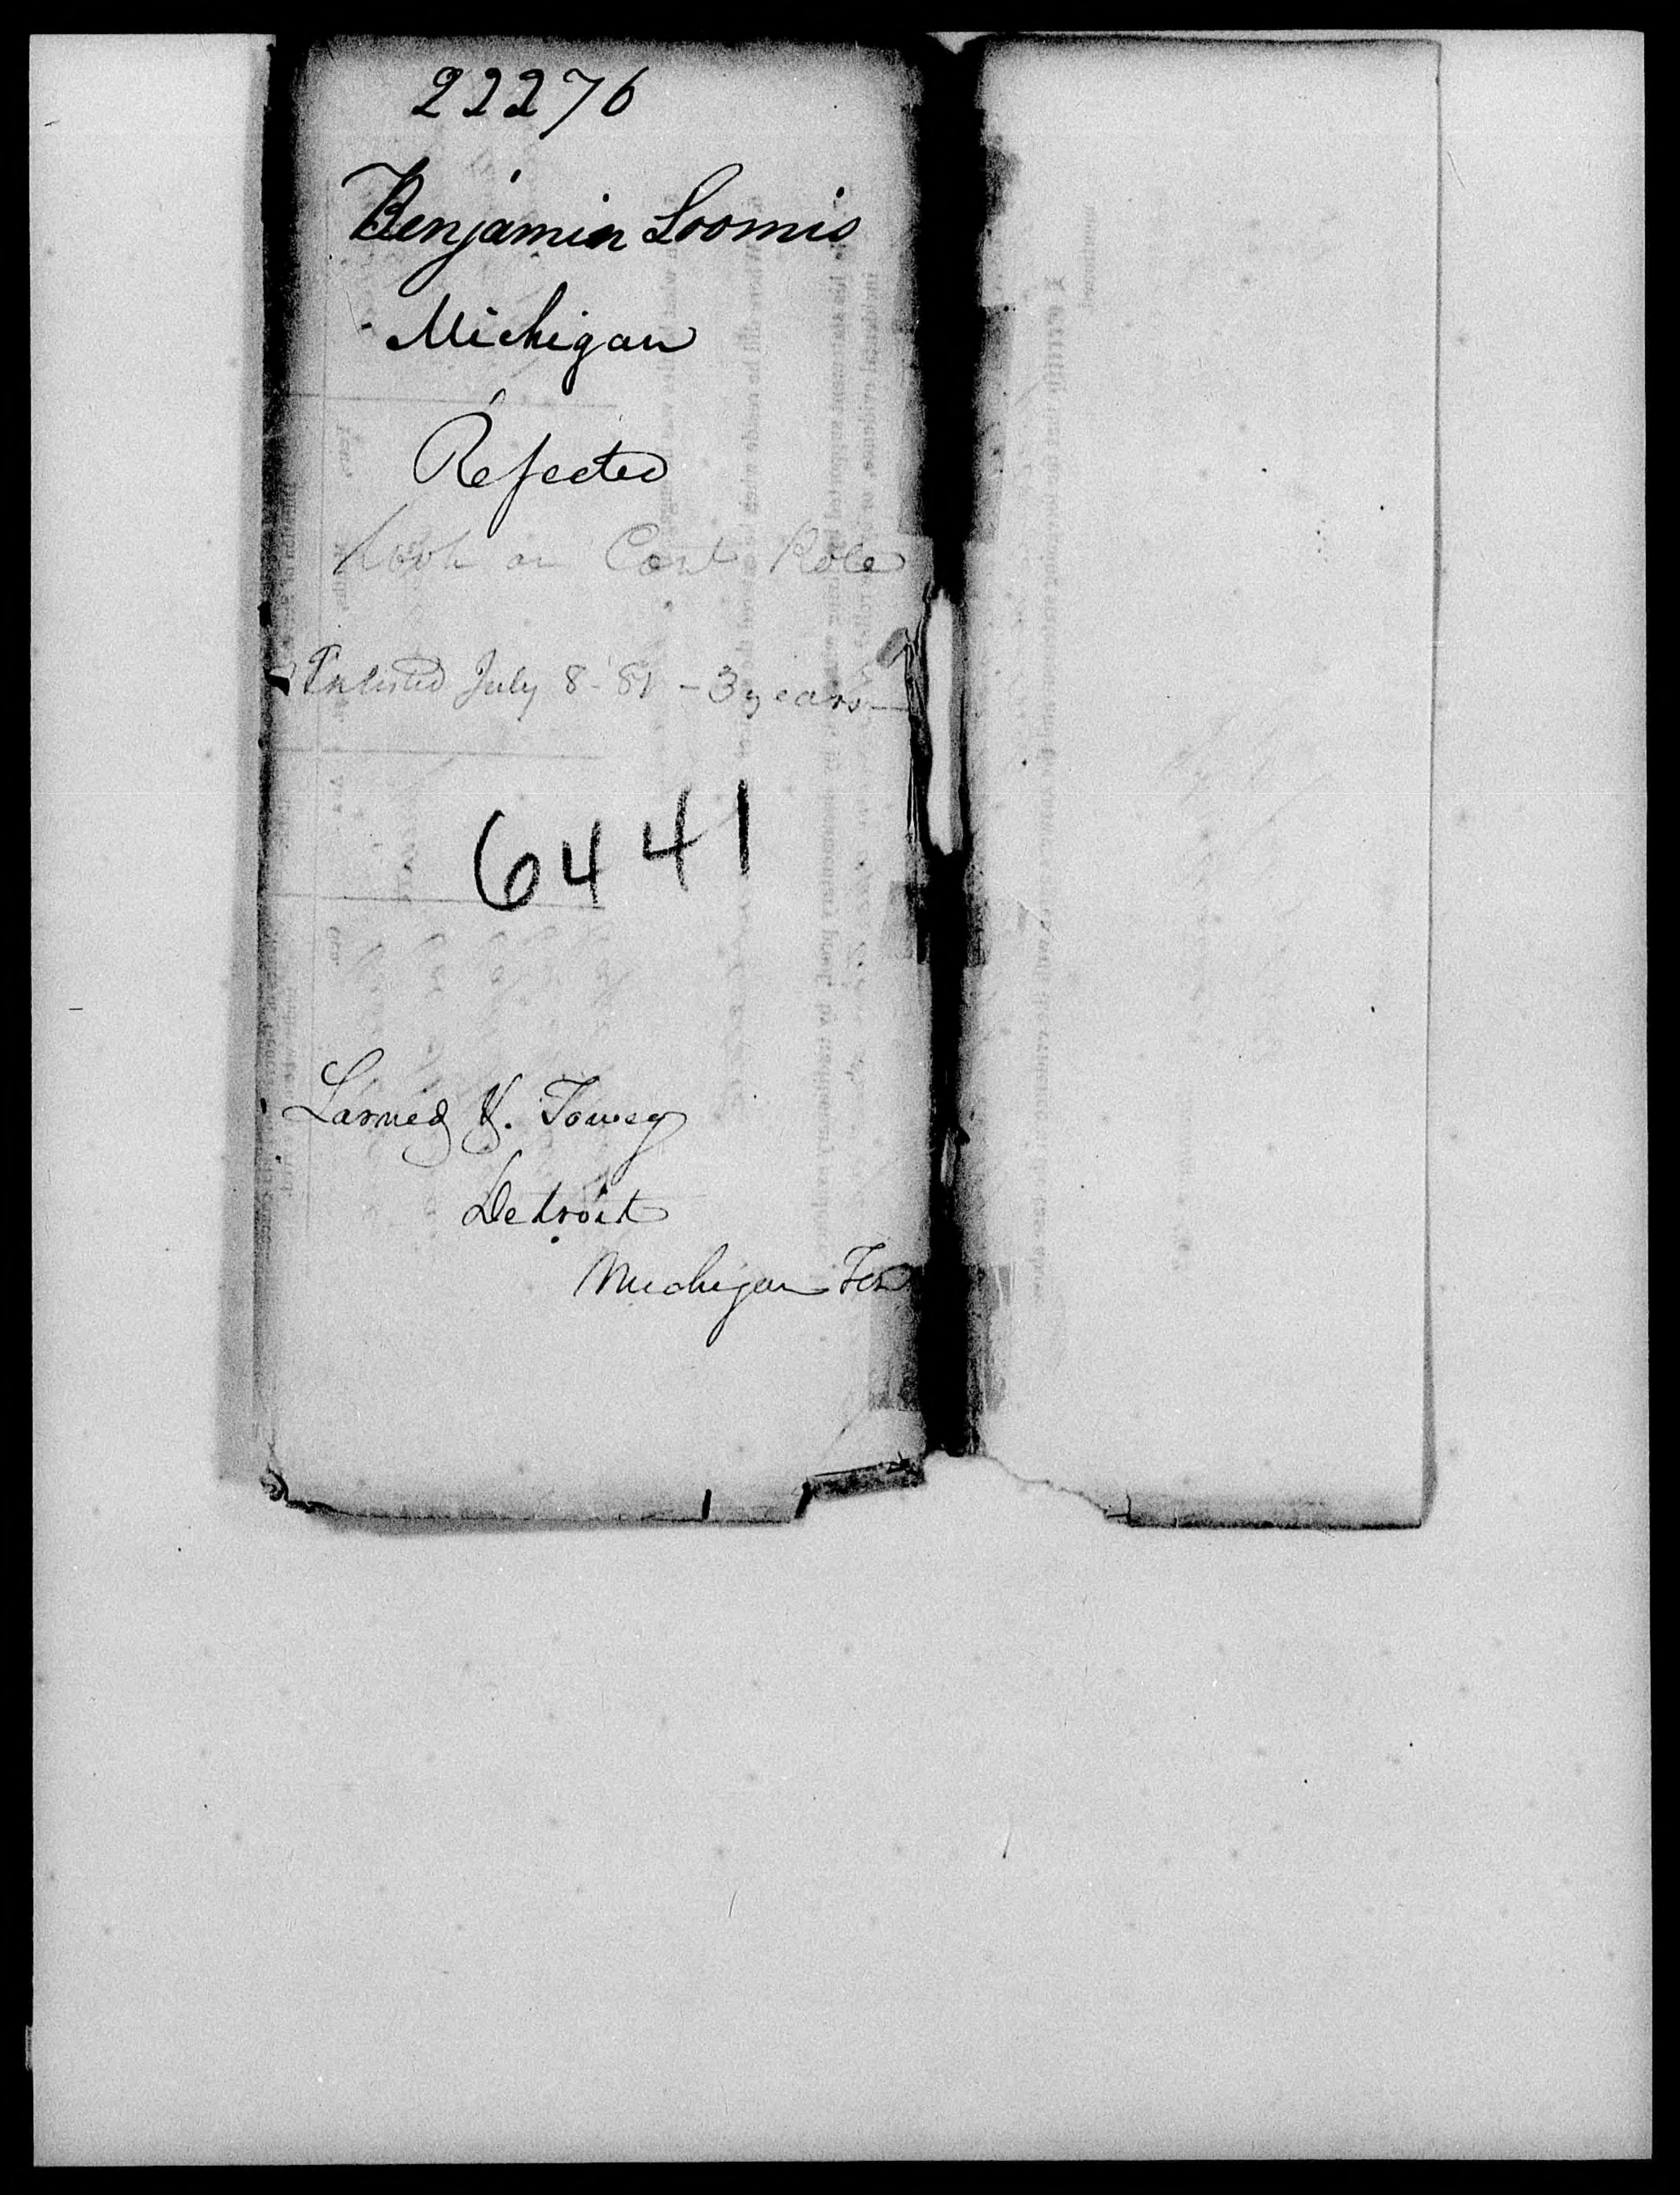22276
Benjamin Loomis
Michigan
Rejected
Enlisted July 8 '87 - 3 years -
6441
Larned V. Towey
Detroit, Michigan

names: Benjamin Loomis; [BLANK] Larned; [BLANK] Towey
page: 2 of 13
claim: rejected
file: R. 6441, for Benjamin Loomis, Connecticut